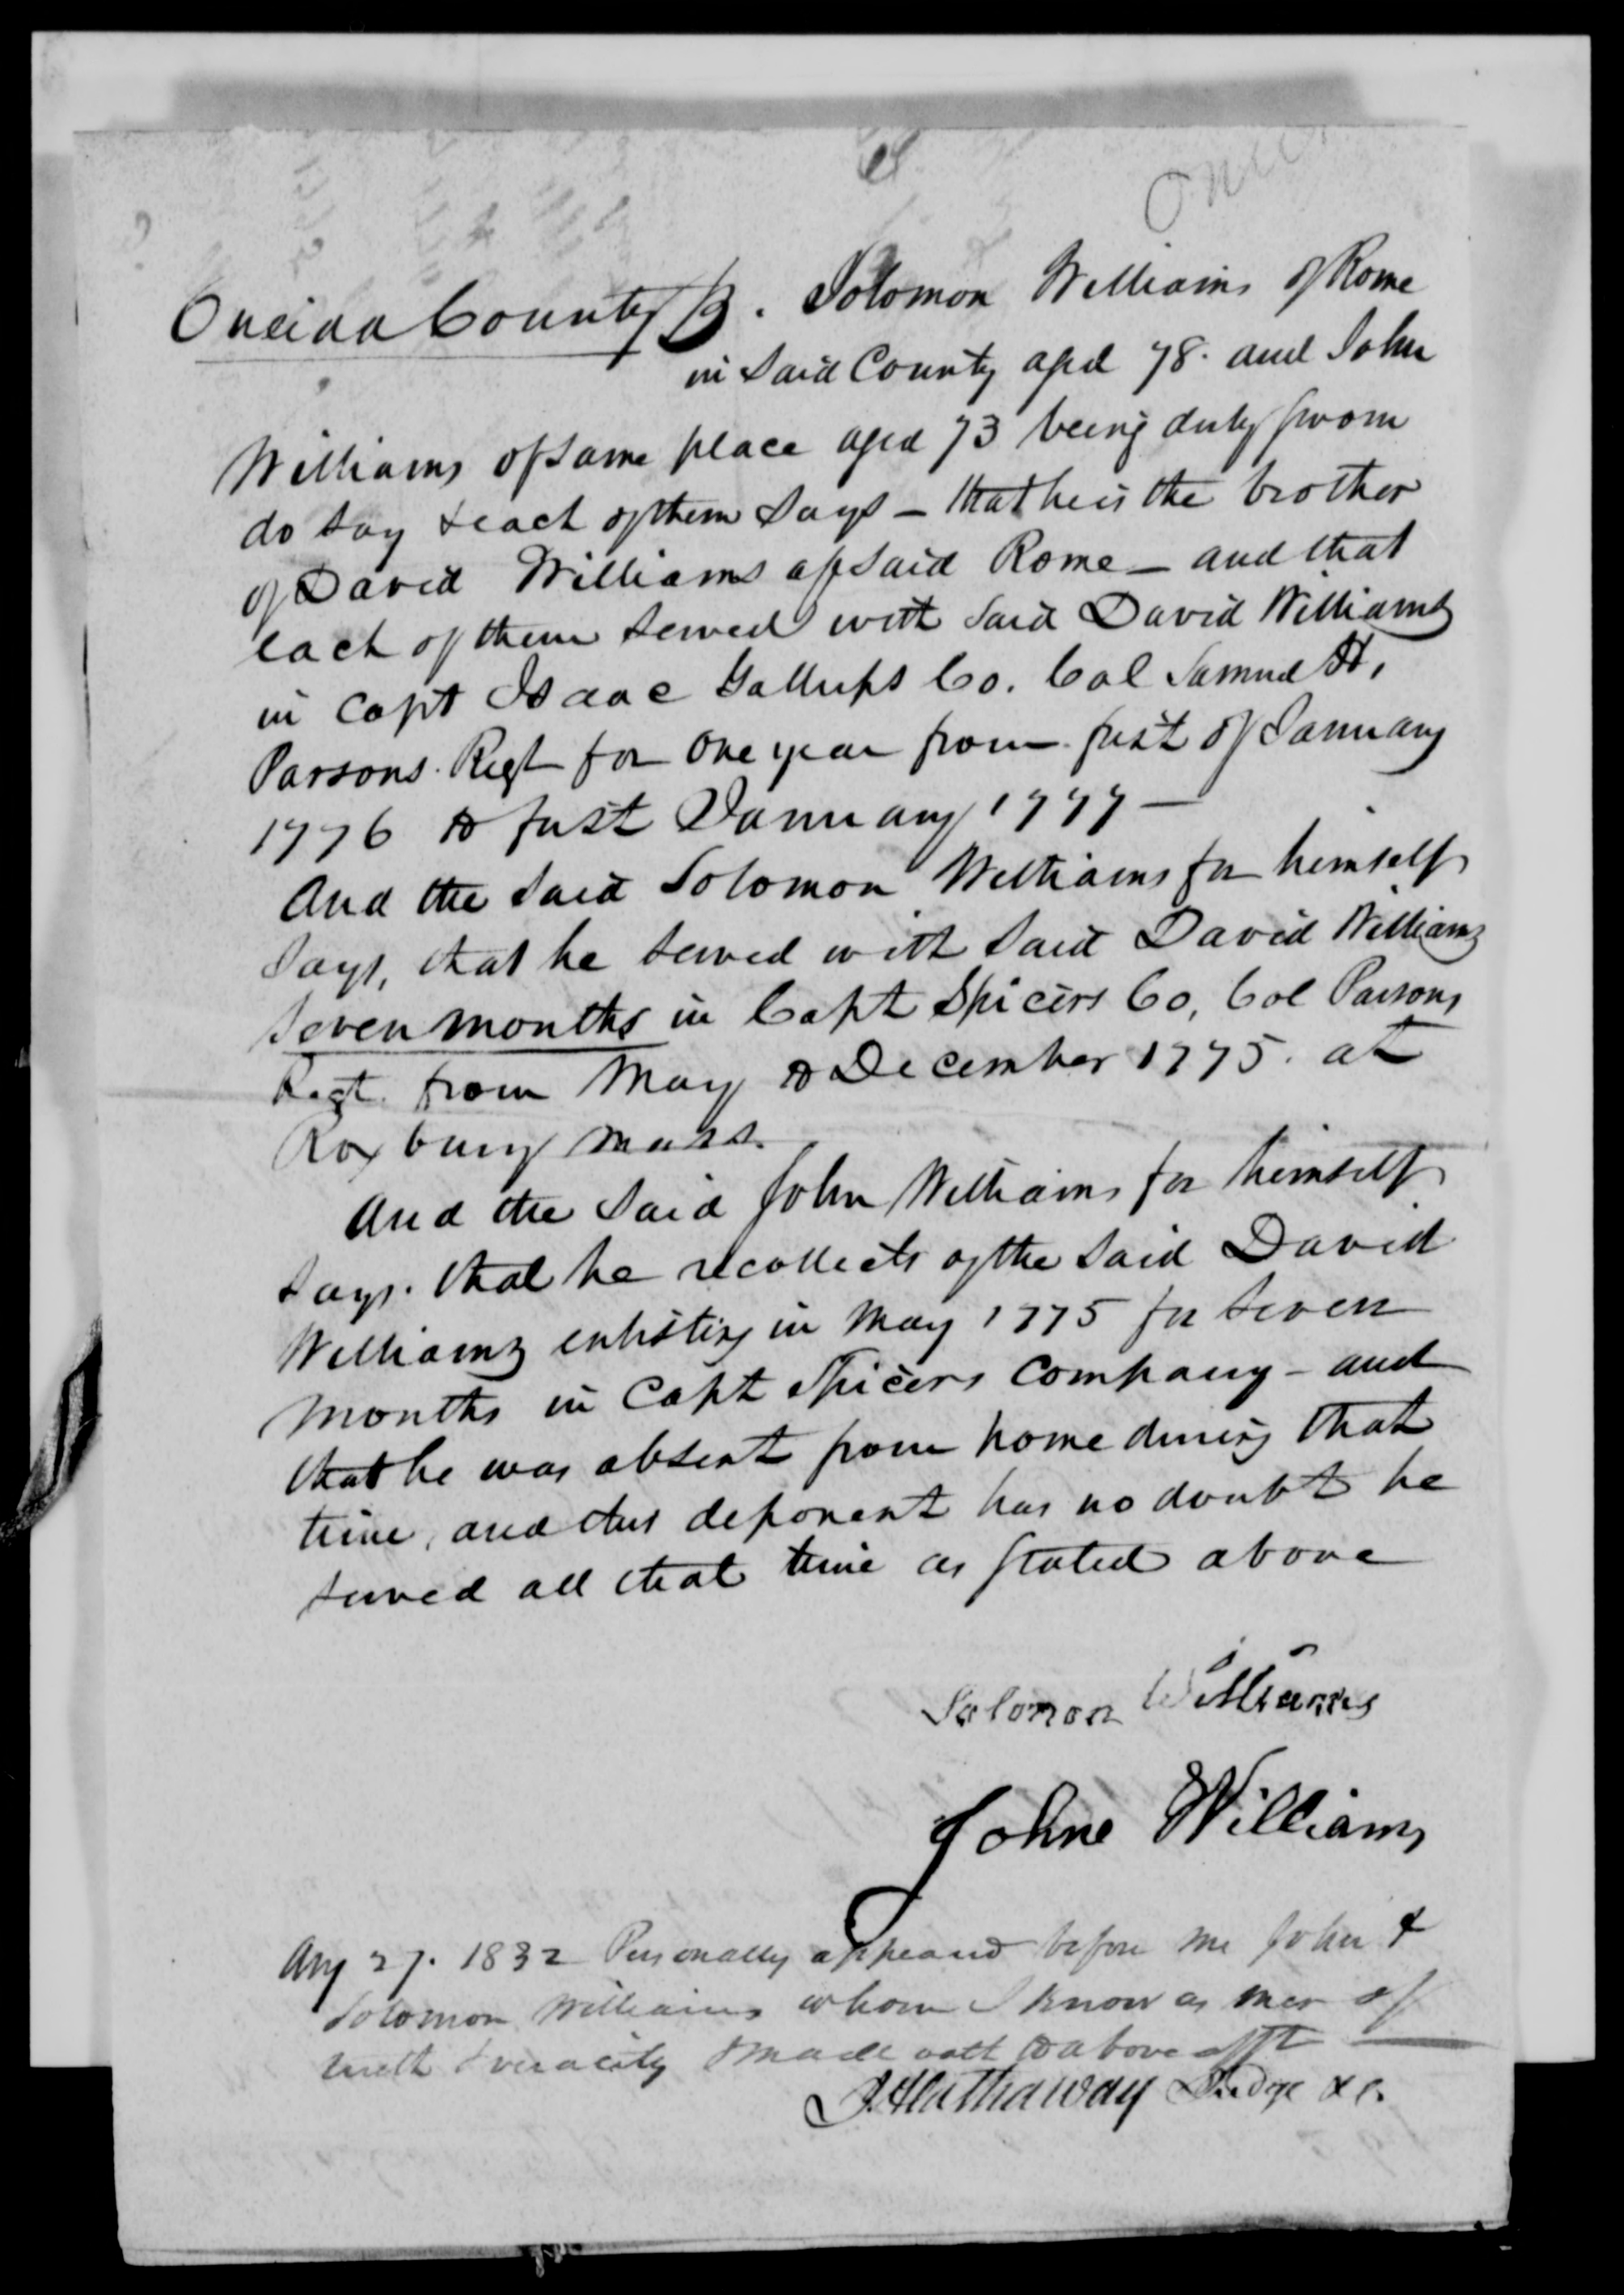Oneida County ss  Solomon Williams of Rome in said County aged 78 and John Williams of same place aged 73 being duly sworn do say & each of them says -- that he is the brother of David Williams of said Rome - and that each of them served with said David Williams in Capt Isaac Gallups Co. Col. Samuel H. Parsons Regt for one year from first of January 1776 to first January 1777.
And the said Solomon Williams for himself, says that he served with said David Williams seven months in Capt Spicers Co. Col Parsons Regt from May to December 1775 at Roxbury Mass.
And the said John Williams for himself says that he recollects of the said David Williams enlisting in May 1775 for  seven months in Capt Spicers Company and that he was absent from home during that time, and this deponent has no doubt he served all that time as stated above.  Solomon Williams John Williams
Aug 27 1832  Personally appeared before me John & Solomon Williams whom I know as men of truth & veracity, made oath to above affdt.
J. Hathaway Judge &C.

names: J Hathaway, Solomon Williams, David Williams, John Williams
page: 7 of 63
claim: widow's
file: W. 22,632, David Williams, Conn. Continental Privateer